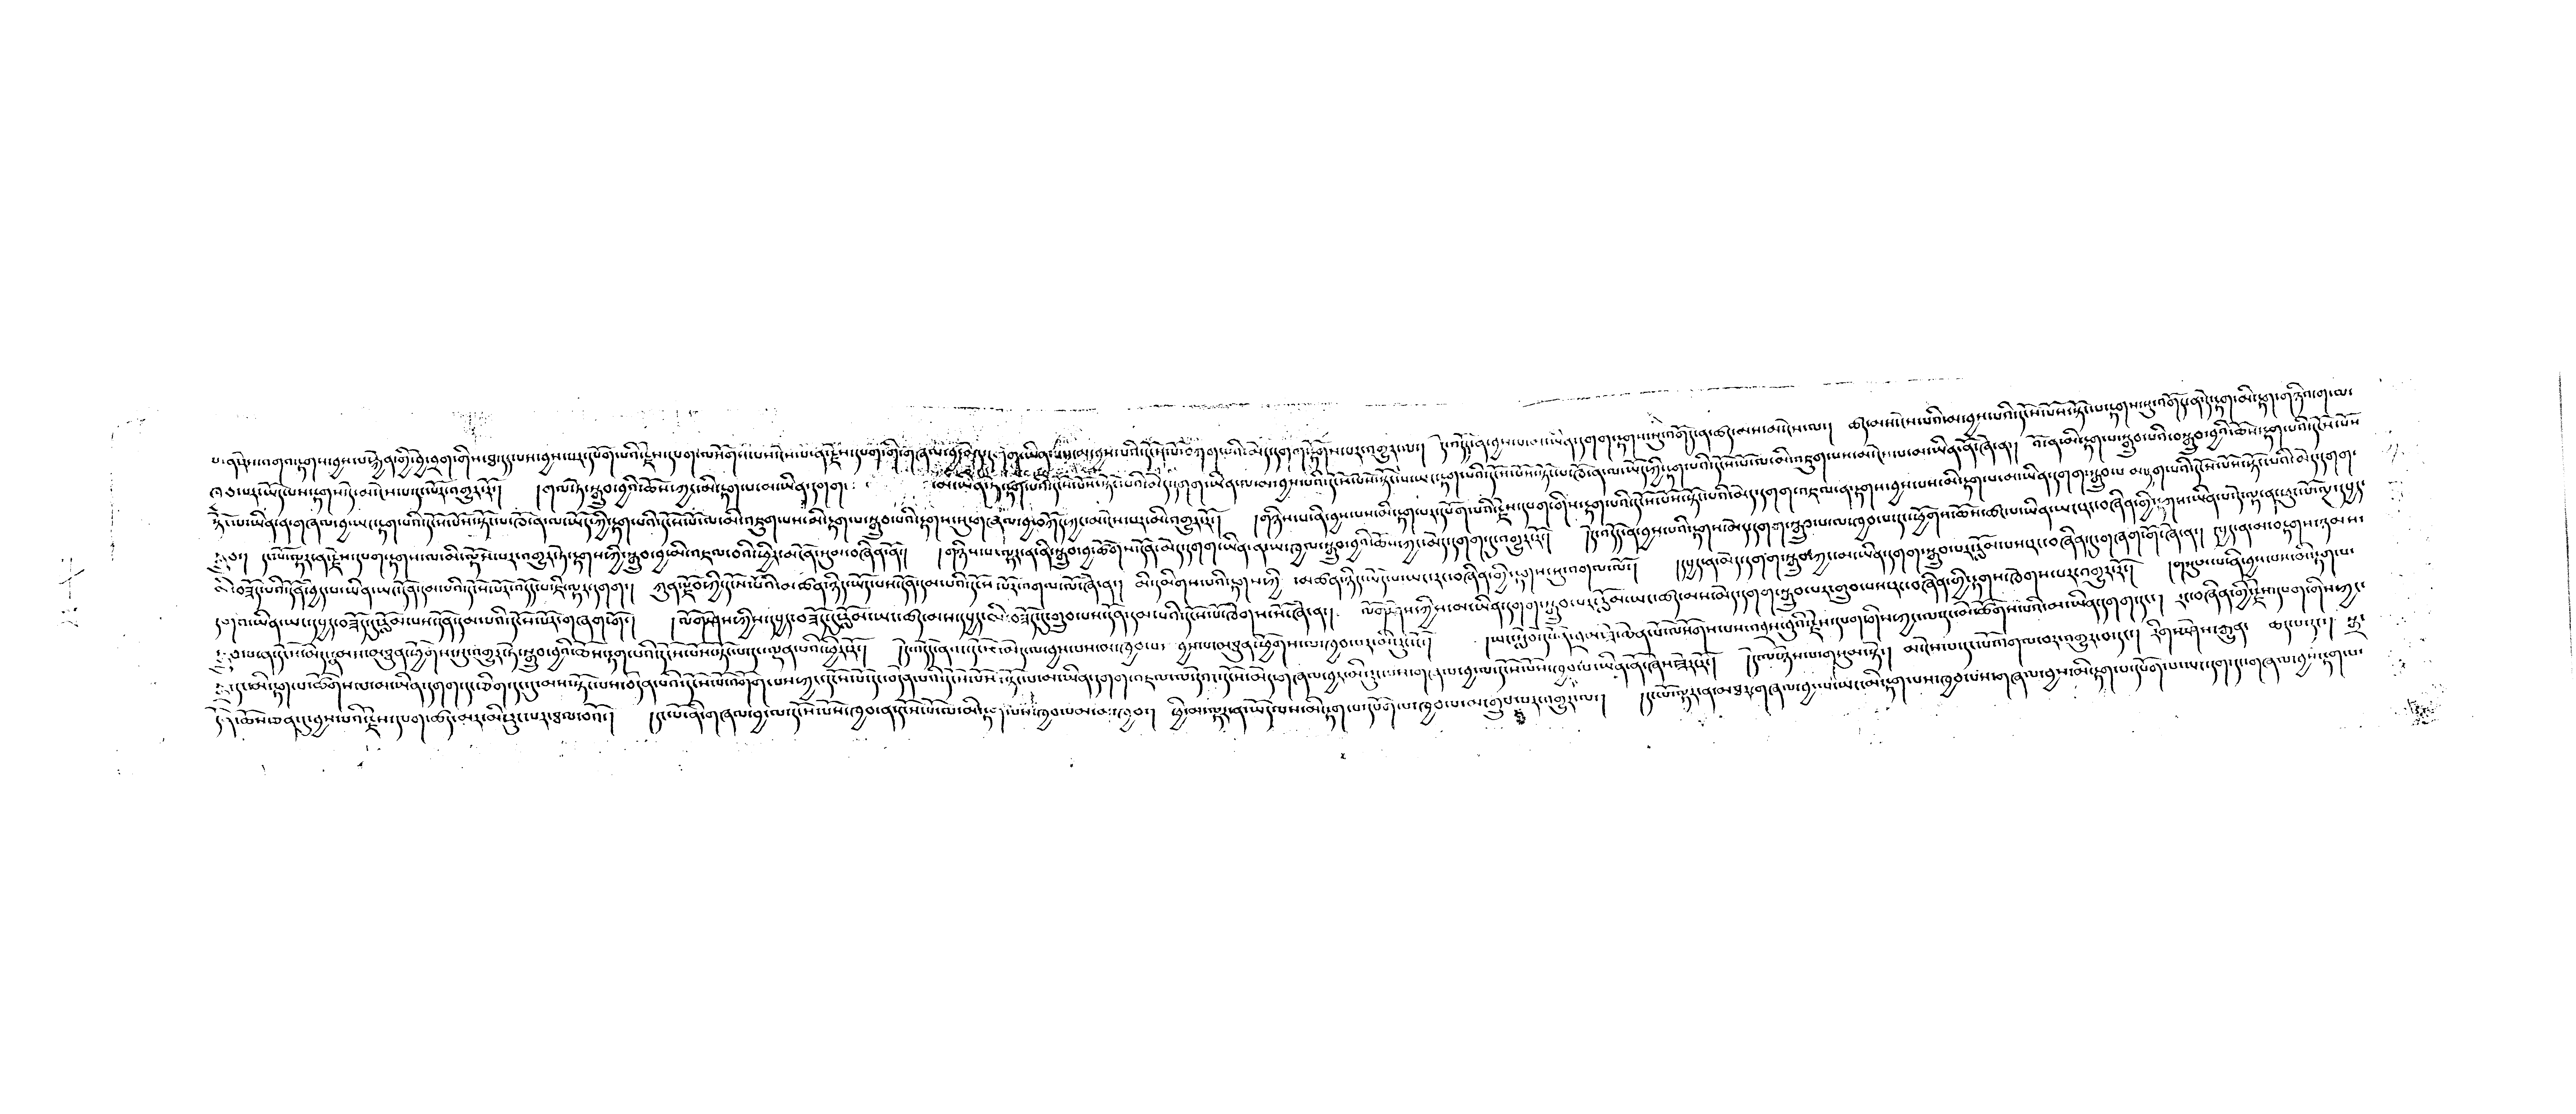པ་ན་རེས་འགའ་རྟགས་བྱས་པ་རྐྱེན་གྱི་བྱེ་བྲག་གིས་ཐ་དད་པས་བྱས་པར་དཔོག་པའི་རྗེས་དཔག་ལ་སོགས་པས་ངེས་པ་ན་རྗེས་དཔག་གི་གཞལ་བྱ་མེ་དགག་ཡིན་པས་མ་བྱས་པའི་དངོས་པོ་བཀག་པའི་མེད་དགག་རྟོགས་པར་འགྱུར་ལ། དེ་འདོད་ན་བྱས་པ་མ་ཡིན་དགག་རྟགས་སུ་འགོད་ན་ཚད་མས་མ་ངེས་ལ། ཚད་མས་ངེས་པའི་མ་བྱས་པའི་དངོས་པོས་སྟོང་པ་རྟགས་སུ་འགོད་ན་དེ་རྟག་མི་རྟག་གཉིས་ག་མ་
ཁྱབ་པར་ཡོད་པས་རྟགས་དེ་མ་ངེས་པ་དང་པོར་འགྱུར་རོ། །གལ་ཏེ་སྒྲུབ་བྱའི་ཆོས་ཀྱང་མི་རྟག་པ་མ་ཡིན་དགག་མ་ཡིན་ཏེ་རྟག་པའི་དངོས་པོས་སྟོང་པའི་མེད་དགག་ཡིན་ལ་མ་བྱས་པའི་དངོས་པོས་སྟོང་པ་ཡང་རྟག་པའི་དངོས་པོས་སྟོང་པ་ཁོ་ན་ལ་ཡོད་ཀྱི་རྟག་པའི་དངོས་པོ་ལ་མི་འཇུག་པས་མ་ངེས་པ་མ་ཡིན་ནོ་ཞེ་ན། འོ་ན་མི་རྟག་པ་སྒྲུབ་པའི་བསྒྲུབ་བྱའི་ཆོས་རྟག་པའི་དངོས་པོས་
སྟོང་པ་ཡིན་ན་གཞལ་བྱ་ཡང་རྟག་པའི་དངོས་པོས་སྟོང་པ་ཁོ་ན་ལ་ཡོད་ཀྱི་རྟག་པའི་དངོས་པོ་ལ་མི་འཇུག་པས་མི་རྟག་པ་སྒྲུབ་པའི་རྟགས་སུ་གཞལ་བྱ་བཀོད་ཀྱང་མ་ངེས་པར་མི་འགྱུར་རོ། །གཉིས་པ་ནི་བྱས་པས་མི་རྟག་པར་དཔོག་པའི་རྗེས་དཔག་གིས་རྟག་པའི་དངོས་པོས་སྟོང་པའི་མེད་དགག་འཇལ་ན་རྟགས་བྱས་པས་མི་རྟག་པ་མ་ཡིན་དགག་སྒྲུབ་པ་མ་རྟག་པའི་དངོས་པོས་སྟོང་པའི་མེད་དགག་
སྒྲུབ། དང་པོ་ལྟར་ན་རྗེས་དཔག་རྟགས་ལ་མི་ལྟོས་པར་འགྱུར་ཏེ་རྟགས་ཀྱི་སྒྲུབ་བྱ་མི་འཇལ་བའི་ཕྱིར་མངོན་སུམ་བཞིན་ནོ། །གཉིས་པ་ལྟར་ན་ནི་སྒྲུབ་བྱ་ཚོགས་དོན་མེད་དགག་ཡིན་ན་ཡ་ཁྱལ་སྒྲུབ་བྱའི་ཆོས་ཀྱང་མེད་དགག་དུ་འགྱུར་རོ། །དེ་འདོད་ན་བྱས་པའི་རྟགས་མེད་དགག་སྒྲུབ་པ་ལ་ཁྱབ་པ་དང་ཕྱོགས་ཆོས་ཚང་པ་ཡིན་ཡང་རང་བཞིན་གྱི་རྟགས་ཡིན་པ་དེ་ལྟ་ན་ཕུང་པོ་ལྔ་དཔྱད་
མི་བཟོད་པའི་དོན་བྱེད་པ་ཡིན་ཡང་དོན་དམ་པའི་དངོས་པོར་འདོད་པ་ཇི་ལྟར་དགག། ཀུན་རྫོབ་ཀྱི་དངོས་པོའི་མཚན་ཉིད་ཡོད་པས་དོན་དམ་པའི་དངོས་པོར་འགལ་ལོ་ཞེ་ན། མི་དམིགས་པའི་རྟགས་ཀྱི་མཚན་ཉིད་ཡོད་པ་ཡང་རང་བཞིན་གྱི་རྟགས་སུ་འགལ་ལོ། །དཔྱད་ན་མེད་དགག་སྒྲུབ་ཀྱང་མ་ཡིན་དགག་སྒྲུབ་པར་རློམ་པས་རང་བཞིན་དུ་གཞག་གོ་ཞེ་ན། དཔྱད་ན་མ་བརྟགས་ཉམས་
དགའ་ཡིན་ཡང་དཔྱད་བཟོད་དུ་རློམ་པས་དོན་དམ་པའི་དངོས་པོར་གཞག་གོ། །ལོག་ཤེས་ཀྱིས་དཔྱད་བཟོད་དུ་རློམ་ཡང་ཚད་མས་དཔྱད་མི་བཟོད་དུ་གྲུབ་པས་དོན་དམ་པའི་དངོས་པོ་ཁེགས་སོ་ཞེ་ན། ལོག་ཤེས་ཀྱིས་མ་ཡིན་དགག་སྒྲུབ་པར་རློམ་ཡང་ཚད་མས་མེད་དགག་སྒྲུབ་པར་གྲུབ་པས་རང་བཞིན་གྱི་རྟགས་ཁེགས་པར་འགྱུར་རོ། །གསུངས་པ་ནི་བྱས་པས་མི་རྟག་པ་
སྒྲུབ་པ་ན་དངོས་མེད་རྣམས་མཐུན་ཕྱོགས་སུ་འགྱུར་ཏེ་སྒྲུབ་བྱའི་ཆོས་རྟག་པའི་དངོས་པོས་བཏོང་པ་དང་ལྡན་པའི་ཕྱིར་རོ། །དེ་འདོད་ནའང་དངོས་མེད་ལ་བྱས་པས་མ་ཁྱབ་པ་བྱས་པ་མཐུན་ཕྱོགས་ལ་ཁྱབ་པར་མི་རུང་ངོ། །ཡང་སློབ་དཔོན་བྲམ་ཟེ་ལེན་པོ་ལ་སོགས་པས་འབྲས་བུའི་རྗེས་དཔག་གིས་ཀྱང་ལན་མེ་ཚོགས་པའི་མ་ཡིན་དགག་དང་། རང་བཞིན་གྱི་རྗེས་དཔག་གིས་ཀྱང་
སྒྲ་དང་མི་རྟག་པ་ཚོགས་པ་མ་ཡིན་དགག་དང་ཅིག་དང་དུ་མས་སྟོང་པས་བདེན་པའི་དངོས་པོ་འགོག་པས་ཀྱང་དངོས་པོ་དང་བདེན་པའི་དངོས་པོས་སྟོང་པ་མ་ཡིན་དགག་འཇལ་ལ་དེའང་དངོས་མེད་གཞལ་བྱར་མི་རུང་པས་གཞལ་བྱ་ལ་དངོས་པོས་ཁྱབ་པ་ཡིན་ནོ་ཞེས་ཟེར་རོ། །དེ་ལ་ཉེས་པ་གསུམ་སྟེ། མ་ངེས་པ་དང་པོ་འགལ་བར་འགྱུར་བ་དང་། རིགས་ཤེས་རྒྱུན་ཆད་པ་དང་། སྒྲ་
དོན་ཆོས་ཅན་དུ་བྱས་པའི་རྗེས་དཔག་ཚད་མར་མི་རུང་པར་ཐལ་བའོ། །དང་པོ་ནི་གཞལ་བྱ་ལ་དངོས་པོས་ཁྱབ་ན་དངོས་པོ་ལ་མི་རྟག་པས་ཁྱབ་པ་མ་ཁྱབ། ཕྱི་མ་ལྟར་ན་ཡོད་པས་མི་རྟག་པ་དཔོག་པ་ཁྱབ་པ་མ་གྲུབ་པར་འགྱུར་ལ། །དང་པོ་ལྟར་ན་མཐར་གཞལ་བྱས་པ་ཡང་མི་རྟག་པས་ཁྱབ་པས་གཞལ་བྱས་མི་རྟག་པ་དཔོག་པ་ཡང་དག་དང་གཞལ་བྱས་རྟག་པ་